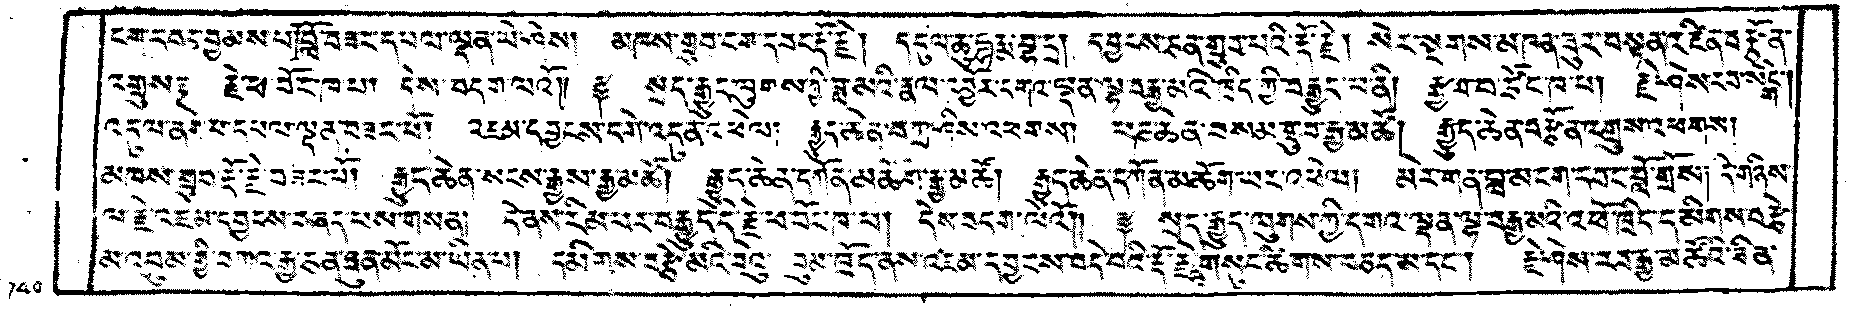ངག་དབང་བྱམས་པ། བློ་བཟང་དཔལ་ལྡན་ཡེ་ཤེས། མཁས་གྲུབ་ངག་དབང་རྡོ་རྗེ། དངུལ་ཆུ་དྷརྨ་བྷ་དྲ། དབྱངས་ཅན་གྲུབ་པའི་རྡོ་རྗེ། སེར་སྔགས་མཁན་ཟུར་བསྟན་འཛིན་བརྩོན་
འགྲུས༑ རྗེ་ཕ་བོང་ཁ་པ། དེས་བདག་ལའོ།། ༈ སྲད་རྒྱུད་ལུགས་ཀྱི་བླ་མའི་རྣལ་འབྱོར་དགའ་ལྡན་ལྷ་བརྒྱ་མའི་ཁྲིད་ཀྱི་བརྒྱུད་པ་ནི། རྒྱལ་བ་རྩོང་ཁ་པ། རྗེ་ཤེས་རབ་སེངྒེ།
འདུལ་ནག་པ་དཔལ་ལྡན་བཟང་པོ། འཇམ་དབྱངས་དགེ་འདུན་འཕེལ། རྒྱུད་ཆེན་བཀྲ་ཤིས་འཕགས། པཎ་ཆེན་བསམ་གྲུབ་རྒྱ་མཚོ། རྒྱུད་ཆེན་བརྩོན་འགྲུས་འཕགས།
མཁས་གྲུབ་རྡོ་རྗེ་བཟང་པོ། རྒྱུད་ཆེན་སངས་རྒྱས་རྒྱ་མཚོ། རྒྱུད་ཆེན་དཀོན་མཆོག་རྒྱ་མཚོ། རྒྱུད་ཆེན་དཀོན་མཆོག་ཡར་འཕེལ། མེར་གན་བླ་མ་ངག་དབང་བློ་གྲོས། དེ་གཉིས་
ལ་རྗེ་འཇམ་དབྱངས་བཞད་པས་གསན། དེ་ནས་རིམ་པར་བརྒྱུད་དེ་རྗེ་ཕ་བོང་ཁ་པ། དེས་བདག་ལའོ།། ༈ སྲད་རྒྱུད་ལུགས་ཀྱི་དགའ་ལྡན་ལྷ་བརྒྱ་མའི་འཕོ་ཁྲིད་དམིགས་བརྩེ་
མ་འབུམ་གྱི་བཀའ་རྒྱ་ཅན་ཐུན་མོང་མ་ཡིན་པ། དམིགས་བརྩེ་མའི་བེའུ་བུམ་ཁྲོད་ནས་འཇམ་དབྱངས་བདེ་བའི་རྡོ་རྗེའི་གསུང་ཚིགས་བཅད་མ་དང་། རྗེ་ཤེས་རབ་རྒྱ་མཚོའི་ཟིན་